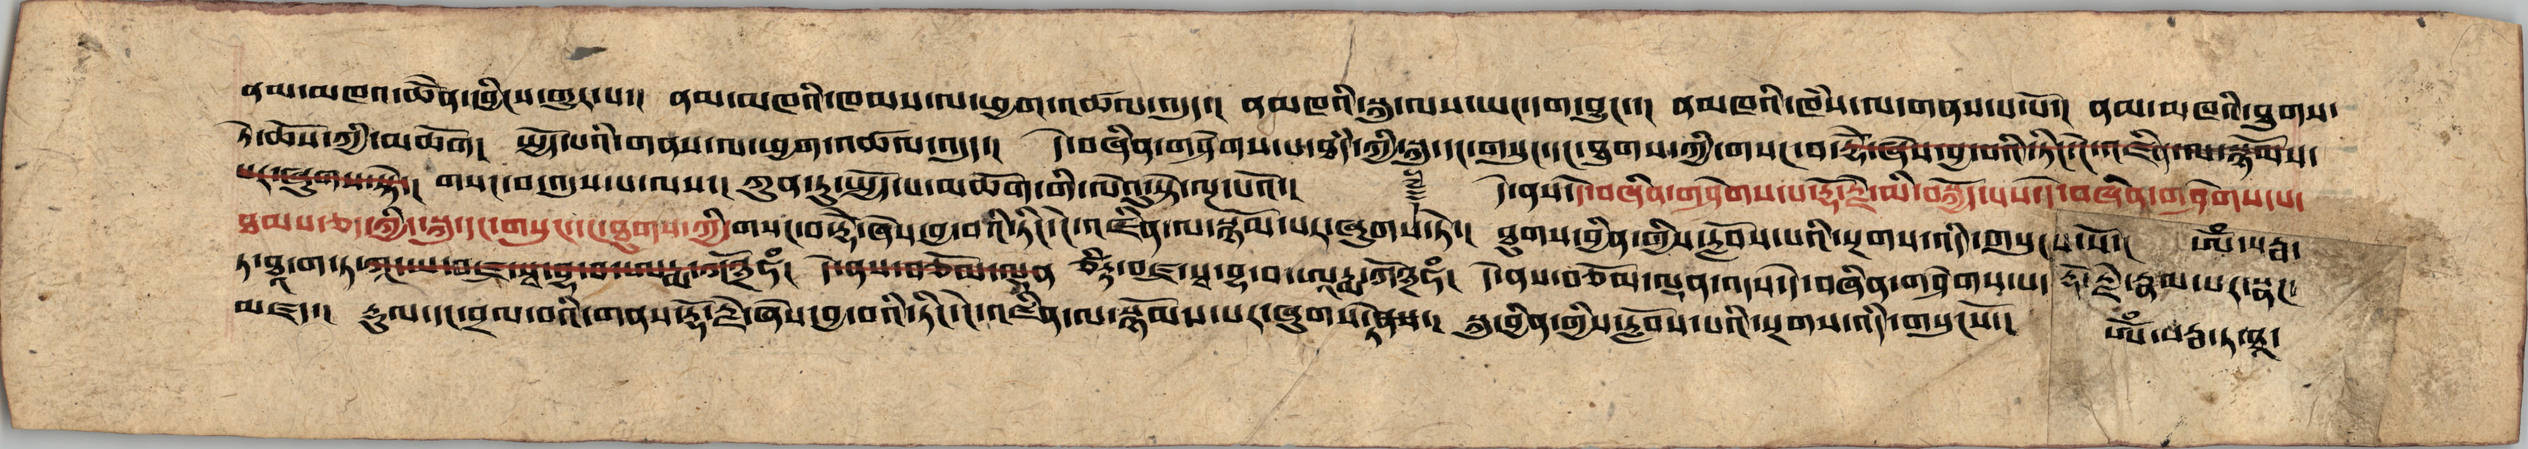ནམ་མཁའ་ཆེནོ་དབྱིངས་གྱུར་པ་། ནམ་མཁའི་ཁམས་ལ་ཕྱག་འཚལ་འདུད་། ནམཁའི་སྐུ་ལས་ཡང་དག་བྱུང་་། ནམཁའི་ཁཾས་ལ་གནས་པ་པོ་། ནམ་མཁའི་ཐུགས་
ཏེ་ཆོས་ཀྱི་མཆོག། སྤྱོད་པའི་གནས་ལ་ཕྱག་འཚལ་འདུད་ དེ་བཞིན་གཤེགས་པ་ཐཾད་ཀྱི་སྐུ་དང་གསུང་དང་ཐུགས་ཀྱི་གསང་བ་རྡོེ་ཞེས་བྱ་བའི་ཏིང་ངེ་འཛིན་ལ་སྙོམས་
པར་ཞུགས་སྟེ་། གསང་བ་འདུས་པ་ལས་། ཀུན་ཏུ་སྤྱོད་པ་མཆོག་གི་ལེའུ་སྟེ་ལྔ་པའོ་། ༈ ད་ེནས་དེ་བཞིན་གཤེགས་པ་རྡོ་རྗེ་མི་བསྐྱོད་པས་དེ་བཞིན་གཤེགས་པ་
ཐམས་ཅད་ཀྱི་སྐུ་དང་གསུང་དང་ཐུགས་ཀྱི་གསང་བ་རྡོེ་ཞེས་བྱ་བའི་ཏིང་ངེ་འཛིན་ལ་སྙོམ་པར་ཞུགས་ཏེ་། ཐུགས་བྱིན་གྱིས་རློབས་པའི་སྔགས་འདི་གསུངས་སོ་། ཨོཾ་སརྦ་
ཏ་ཐཱ་ག་ཏ་ཀཱ་ཡ་བཛྲ་སྭ་བྷ་བ་ཨརྨ་ཀོ྅ཧཾ། དེ་ནས་བཅོམ་ལྡན ཙིཏྟ་བཛྲ་སྭ་བྷ་བ་ཨཱརྨ་ཀོ྅ཧཾ། དེ་ནས་བཅོམ་ལྡན་འདས་དེ་བཞིན་གཤེགས་པ་རྡོ་རྗེ་རྣམ་པར་སྣང་
མཛད་། རྡུལ་དང་བྲལ་བའི་གནས་རྡོ་རྗེ་ཞེས་བྱ་བའི་ཏིང་ངེ་འཛིན་ལ་སྙོམས་པར་ཞུགས་ཏེ་ནས་། སྐུ་བྱིན་གྱིས་རློབས་པའི་སྔགས་འདི་གསུངསོ་། ཨོཾ་སརྦ་ཏ་ཐཱ་